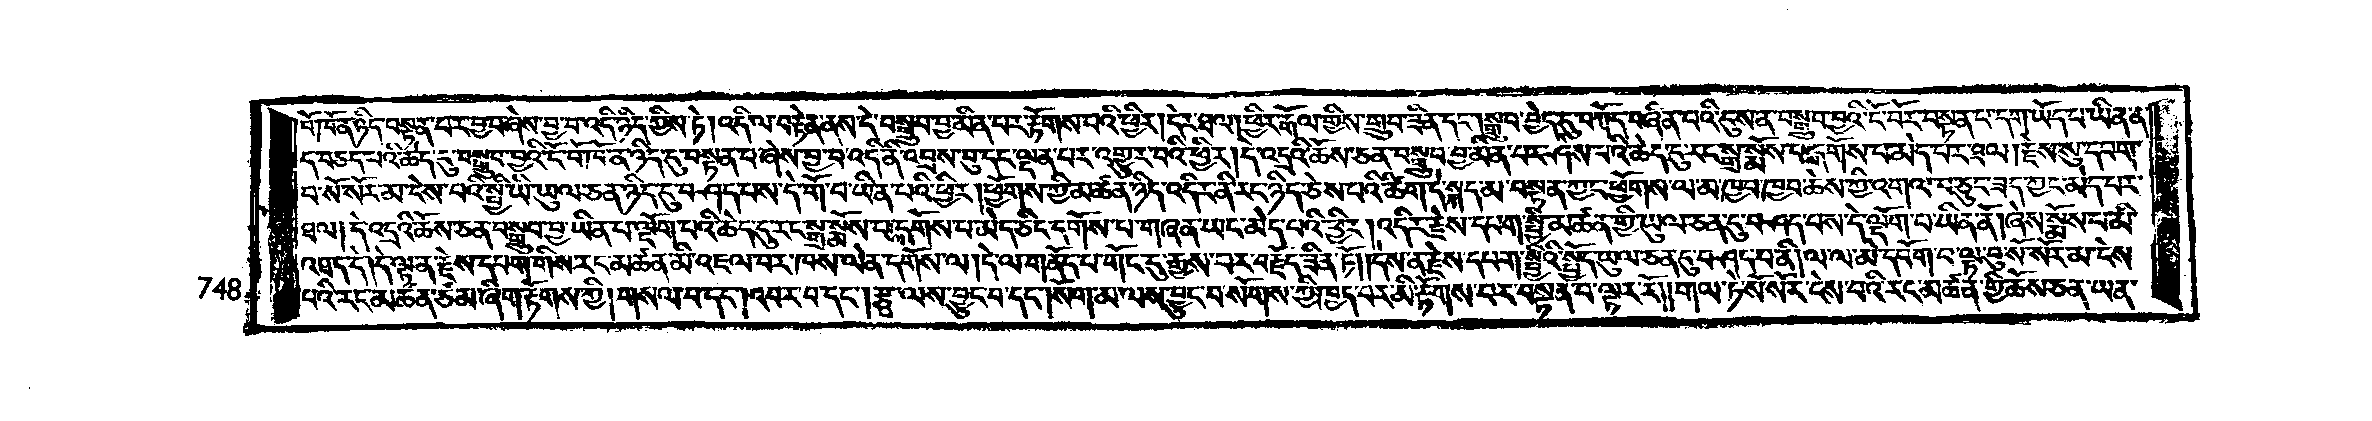བོ་ཁོ་ན་ཉིད་བསྟན་པར་བྱ་བ་ཞེས་བྱ་བ་འདི་ཉིད་ཀྱིས་ཏེ། འདི་ལ་བརྟེན་ནས་དེ་བསྒྲུབ་བྱ་མིན་པར་རྟོགས་པའི་ཕྱིར། དེར་ཐལ། ཕྱིར་རྒོལ་གྱིས་གྲུབ་ཟིན་དང་། སྒྲུབ་བྱེད་དུ་བཀོད་བཞིན་པའི་དུས་ན་བསྒྲུབ་བྱའི་ངོ་བོར་བསྟན་པ་དག་ཡོད་པ་ཡིན་ན་
དེ་བཅད་པའི་ཚད་དུ་བསྒྲུབ་བྱའི་ངོ་བོ་ཁོ་ན་ཉིད་དུ་བསྟན་པ་ཞེས་བྱ་བ་འདི་ནི་འབྲས་བུ་དང་ལྡན་པར་འགྱུར་བའི་ཕྱིར། དེ་འདྲའི་ཆོས་ཅན་བསྒྲུབ་བྱ་མིན་པར་ཤེས་པའི་ཆེས་དུ་རང་སྒྲ་སྨོས་པ་ལ་དགོས་པ་མེད་པར་ཐལ། རྗེས་སུ་དཔག་
པ་སོ་སོར་མ་ངེས་པའི་སྤྱི་ཡི་ཡུལ་ཅན་ཉིད་དུ་བཤད་པས་དེ་གོ་བ་ཡིན་པའི་ཕྱིར། ཕྱོགས་ཀྱི་མཚན་ཉིད་འདིར་ནི་རང་ཉིད་ཅེས་པའི་ཚིག་དེ་སྐད་མ་བསྟན་ཀྱང་ཕྱོགས་ལ་མ་ཁྱབ་ཁྱབ་ཆེས་ཀྱི་འགལ་བ་ཅུང་ཟད་ཀྱང་མེད་པར་
ཐལ། དེ་འདྲའི་ཆོས་ཅན་བསྒྲུབ་བྱ་ཡིན་པ་ལྡོག་པའི་ཆེད་དུ་རང་སྒྲ་སྨོས་པ་ལ་དགོས་པ་མེད་ཅིང་དགོས་པ་གཞན་ཡང་མེད་པའི་ཕྱིར། འདིར་རྗེས་དཔག་སྤྱི་མཚན་གྱི་ཡུལ་ཅན་དུ་བཤད་པས་དེ་ལྡོག་པ་ཡིན་ནོ། ཞེས་སྨོས་པ་མི་
འཐད་དེ། དེ་ལྟ་ན་རྗེས་དཔག་གིས་རང་མཚན་མི་འཇལ་བར་ཁས་ལེན་དགོས་ལ། དེ་ལ་གནོད་པ་གོང་དུ་རྒྱས་པར་བརྗོད་ཟིན་ཏོ། །དེས་ན་རྗེས་དཔག་སྤྱིའི་སྤྱོད་ཡུལ་ཅན་དུ་བཤད་པ་ནི། ལ་ལ་མེ་དཔོག་པ་ལྟ་བུ་སོ་སོར་མ་ངེས་
པའི་རང་མཚན་ཙམ་ཞིག་རྟོགས་ཀྱི། གསལ་བ་དང་། འབར་བ་དང་། རྩྭ་ལས་བྱུང་བ་དང་། སོག་མ་ལས་བྱུང་བ་སོགས་ཀྱི་ཁྱད་པར་མི་རྟོགས་པར་བསྟན་པ་ལྟར་རོ། །གལ་ཏེ་སོ་སོར་ངེས་པའི་རང་མཚན་གྱི་ཆོས་ཅན་ཡན་